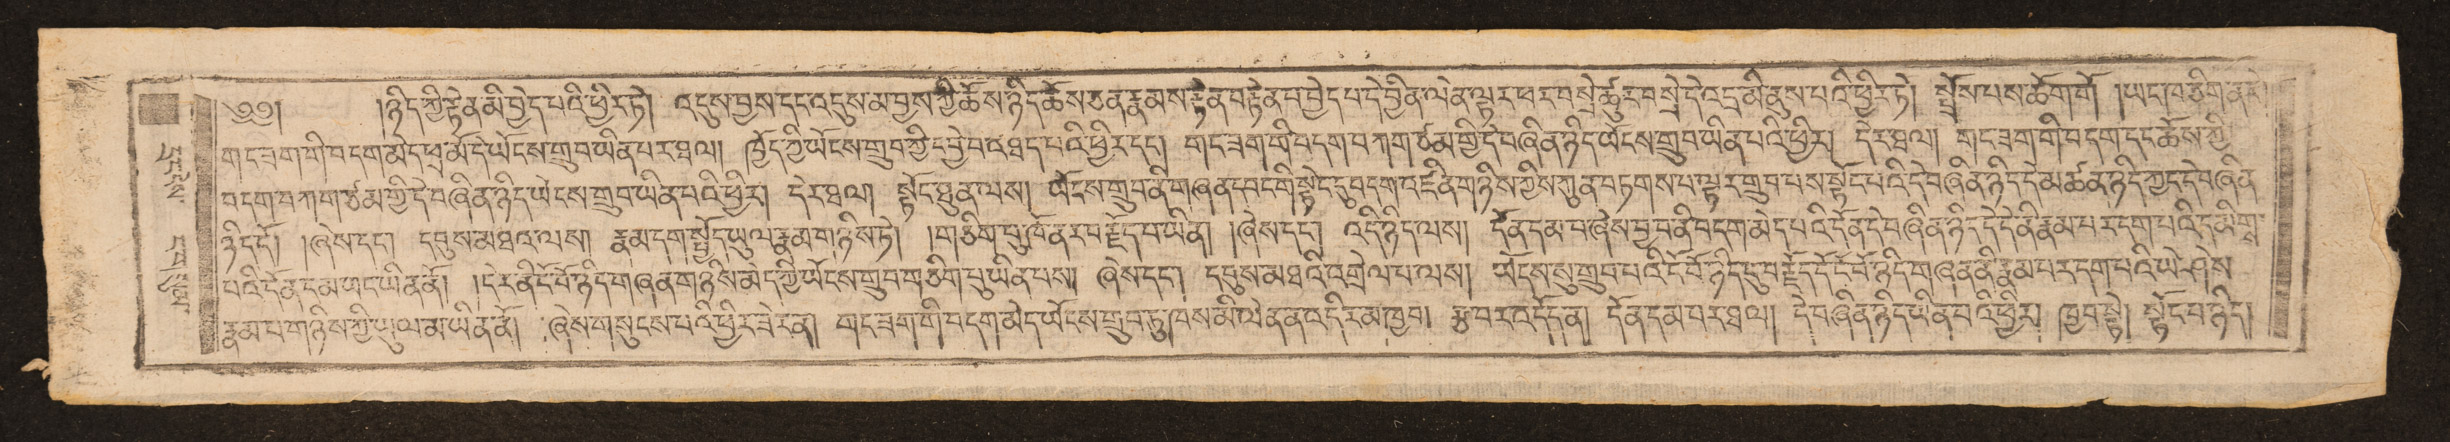༄༅། །ཉིད་ཀྱི་རྟེན་མི་བྱེད་པའི་ཕྱིར་ཏེ། འདུས་བྱས་དང་འདུས་མ་བྱས་ཀྱི་ཆོས་ཉིད་ཆོས་ཅན་རྣམས་རྟེན་བརྟེན་པ་བྱེད་པ་དེ་བྱིན་ལེན་ལྟར་ཕར་བསྲེ་ཚུར་བསྲེ་དེ་འདྲ་མི་ནུས་པའི་ཕྱིར་ཏེ། སྤོས་པས་ཆོག་གོ །ཡང་ཁ་ཅིག་ན་རེ།
གང་ཟག་གི་བདག་མེད་ཕྲ་མོ་དེ་ཡོངས་གྲུབ་ཡིན་པར་ཐལ། ཁྱོད་ཀྱི་ཡོངས་གྲུབ་ཀྱི་དབྱེ་བ་འཐད་པའི་ཕྱིར་དང་། གང་ཟག་གི་བདག་བཀག་ཙམ་གྱི་དེ་བཞིན་ཉིད་ཡོངས་གྲུབ་ཡིན་པའི་ཕྱིར། དེར་ཐལ། གང་ཟག་གི་བདག་དང་ཆོས་ཀྱི་
བདག་བཀག་ཙམ་གྱི་དེ་བཞིན་ཉིད་ཡོངས་གྲུབ་ཡིན་པའི་ཕྱིར། དེར་ཐལ། སྟོང་ཐུན་ལས། ཡོངས་གྲུབ་ནི་གཞན་དབང་གི་སྟེང་དུ་བདག་འཛིན་གཉིས་ཀྱིས་ཀུན་བཏགས་པ་ལྟར་གྲུབ་པས་སྟོང་པའི་དེ་བཞིན་ཉིད་དེ་མཚན་ཉིད་ཀྱང་དེ་བཞིན་
ཉིད་དོ། །ཞེས་དང་། དབུས་མཐའ་ལས། རྣམ་དག་སྤྱོད་ཡུལ་རྣམ་གཉིས་ཏེ། །གཅིག་པུ་ཁོ་ནར་བརྗོད་པ་ཡིན། །ཞེས་དང་། འདི་ཉིད་ལས། དོན་དམ་པ་ཞེས་བྱ་བ་ནི་བདག་མེད་པའི་དོན་དེ་བཞིན་ཉིད་དེ་དེ་ནི་རྣམ་པར་དག་པའི་དམིགས་
པའི་དོན་དམ་ཡང་ཡིན་ནོ། །དེར་ནི་ངོ་བོ་ཉིད་གཞན་གཉིས་མེད་ཀྱི་ཡོངས་གྲུབ་གཅིག་པུ་ཡིན་པས། ཞེས་དང་། དབུས་མཐའི་འགྲེལ་བ་ལས། ཡོངས་སུ་གྲུབ་པའི་ངོ་བོ་ཉིད་དུ་བརྗོད་དོ་ངོ་བོ་ཉིད་གཞན་ནི་རྣམ་པར་དག་པའི་ཡེ་ཤེས་
རྣམ་པ་གཉིས་ཀྱི་ཡུལ་མ་ཡིན་ནོ། །ཞེས་གསུངས་པའི་ཕྱིར་ཟེར་ན། གང་ཟག་གི་བདག་མེད་ཡོངས་གྲུབ་ཏུ་ཁས་མི་ལེན་ན་འདིར་མ་ཁྱབ། རྩ་བར་འདོད་ན། དོན་དམ་པར་ཐལ། དེ་བཞིན་ཉིད་ཡིན་པའི་ཕྱིར། ཁྱབ་སྟེ། སྟོང་པ་ཉིད།